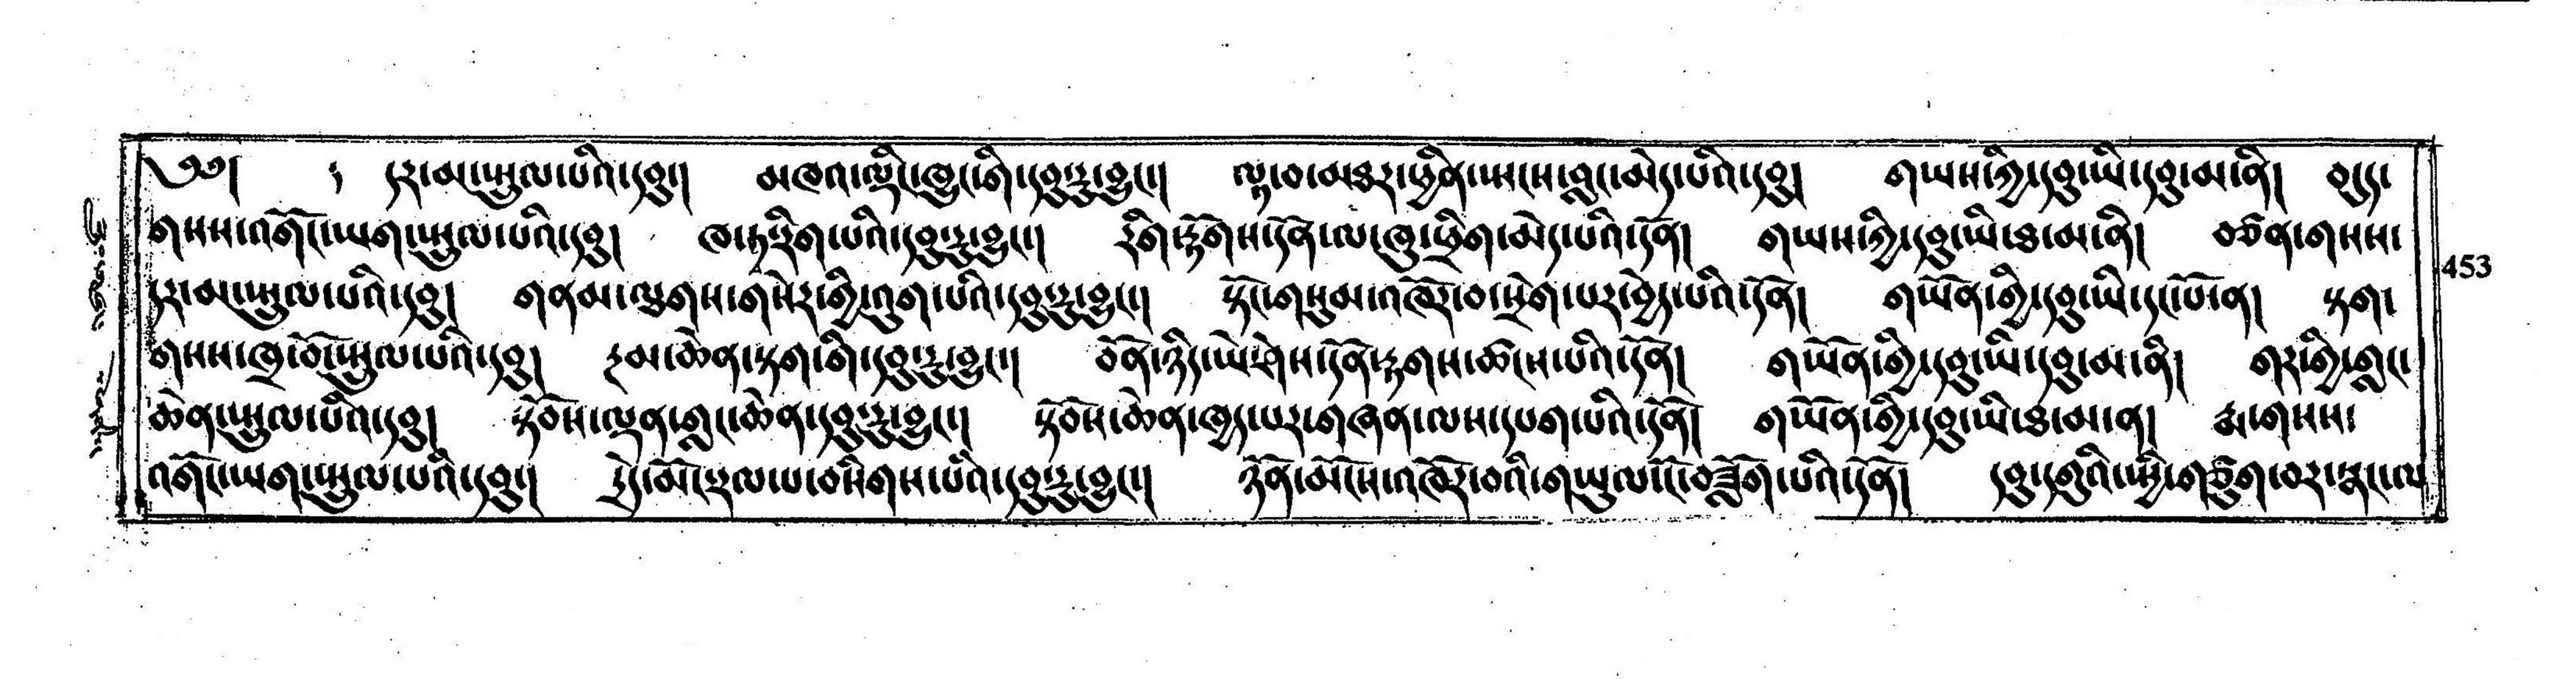དར་མ་སྤྲུལ་པའི་དབུ། མཁའ་ལྡིང་ཁྱུང་གི་དབུ་རུ་བྱུང་། ལྟ་བ་མཐར་ཕྱིན་སྤངས་བླང་མེད་པའི་དབུ། གཡས་ཀྱི་དབུ་ཡི་དབུ་མ་ནི། བདུད་{466}
གསས་འགོང་ཡག་སྤྲུལ་པའི་དབུ། ཁ་ཏྭ་རིག་པའི་དབུ་རུ་བྱུང་། རིག་རྟོགས་དོན་ལ་ཁུ་འཕྲིག་མེད་པའི་དོན། གཡས་ཀྱི་དབུ་ཡི་ཐ་མ་ནི། བཙན་གསས་
དར་མ་སྤྲུལ་པའི་དབུ། གནམ་ལྕགས་གསེར་གྱི་འུག་པའི་དབུ་རུ་བྱུང་། སྟོང་གསུམ་འཁོར་བ་སྲེག་པར་བྱེད་པའི་དོན། གཡོན་གྱི་དབུ་ཡི་དང་པོ་ན། སྟག་
གསས་ཁྲ་བོ་སྤྲུལ་པའི་དབུ། རྔམ་ཆེན་སྟག་གི་དབུ་རུ་བྱུང་། བོན་ཉིད་ཡེ་ཤེས་དོན་རྟགས་ཚངས་པའི་དོན། གཡོན་གྱི་དབུ་ཡི་དབུ་མ་ནི། གར་གྱི་གླང་
ཆེན་སྤྲུལ་པའི་དབུ། སྟོབས་ལྡན་གླང་ཆེན་དབུ་རུ་བྱུང་། སྟོབས་ཆེན་ཁྱད་པར་གཞན་ལས་དཔག་པའི་དོན། གཡོན་གྱི་དབུ་ཡི་ཐ་མ་ན། རྨ་གསས་
འགོང་ཡག་སྤྲུལ་པའི་དབུ། དྲེད་མོང་རལ་པ་བསིགས་པའི་དབུ་རུ་བྱུང་། ཉོན་མོངས་འཁོར་བའི་གཡུལ་ངོ་བཟློག་པའི་དོན། དབུ་དགུའི་སྤྱི་གཙུག་བར་སྣང་ལ།